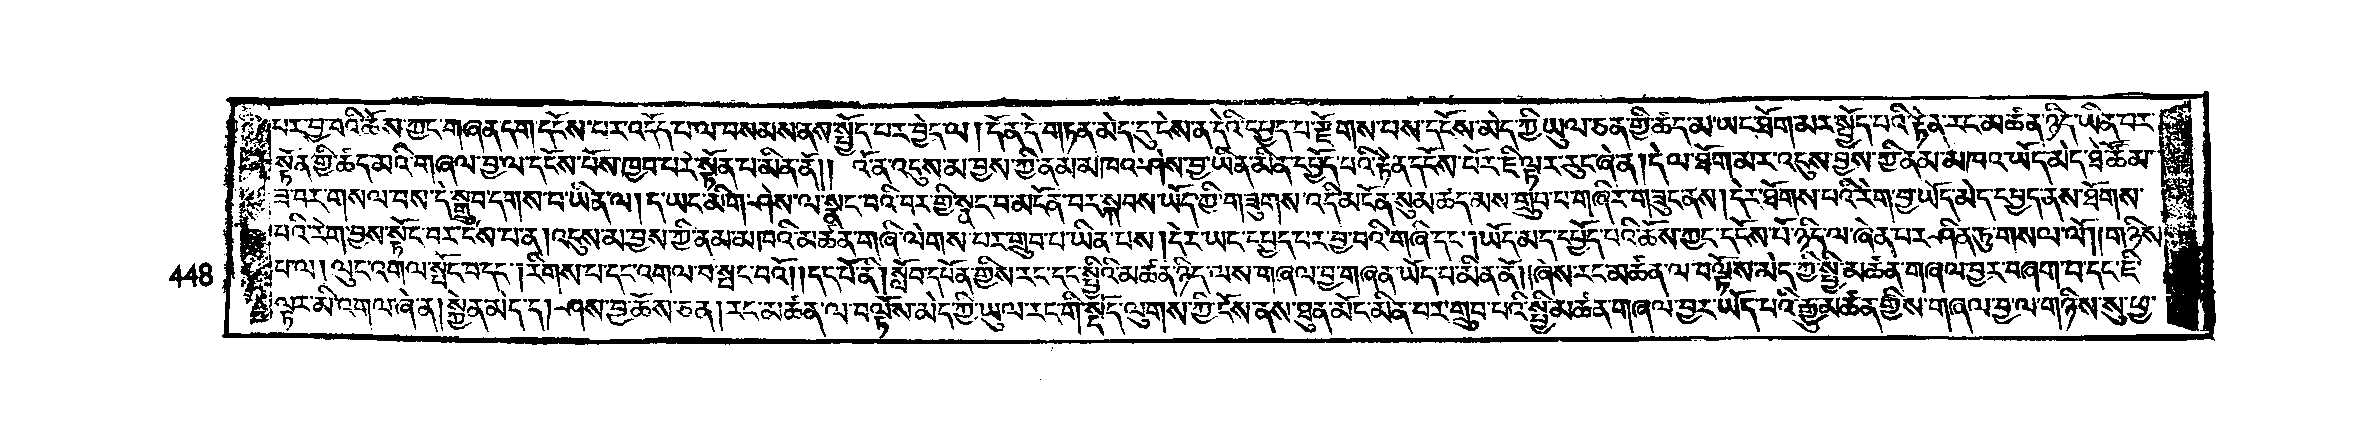པར་བྱ་བའི་ཆོས་ཀྱང་གཞན་དག་དངོས་པོར་འདོད་པ་ལ་བསམས་ནས་སྤྱོད་པར་བྱེད་ལ། དོན་དེ་གཏན་མེད་དུ་ངེས་ན་དེའི་དཔྱད་པ་རྫོགས་པས་དངོས་མེད་ཀྱི་ཡུལ་ཅན་གྱི་ཚད་མ་ཡང་ཐོག་མར་སྤྱོད་པའི་རྟེན་རང་མཚན་ཉིད་ཡིན་པར་
སྟོན་གྱི་ཚད་མའི་གཞལ་བྱ་ལ་དངོས་པོས་ཁྱབ་པར་སྟོན་པ་མིན་ནོ།། འོ་ན་འདུས་མ་བྱས་ཀྱི་ནམ་མཁའ་ཤེས་བྱ་ཡིན་མིན་དཔྱོད་པའི་རྟེན་དངོས་པོར་ཇི་ལྟར་རུང་ཞེ་ན། དེ་ལ་ཐོག་མར་འདུས་བྱས་ཀྱི་ནམ་མཁའ་ཡོད་མེད་ཐེ་ཚོམ་
ཟ་བར་གསལ་བས་དེ་སྒྲུབ་དགོས་པ་ཡིན་ལ། དེ་ཡང་མིག་ཤེས་ལ་སྣང་བའི་བར་གྱི་སྣང་བ་མངོན་པར་སྐབས་ཡོད་ཀྱི་གཟུགས་འདི་མངོན་སུམ་ཚད་མས་གྲུབ་པ་གཞིར་གཟུང་ནས། དེར་ཐོགས་པའི་རེག་བྱ་ཡོད་མེད་དཔྱད་ནས་ཐོགས་
པའི་རེག་བྱས་སྟོང་བར་ངེས་པ་ན། འདུས་མ་བྱས་ཀྱི་ནམ་མཁའི་མཚན་གཞི་ལེགས་པར་གྲུབ་པ་ཡིན་པས། དེར་ཡང་དཔྱད་པར་བྱ་བའི་གཞི་དང་། ཡོད་མེད་དཔྱོད་པའི་ཆོས་ཀྱང་དངོས་པོ་ཉིད་ལ་ཞེན་པར་ཤིན་ཏུ་གསལ་ལོ། །གཉིས་
པ་ལ། ལུང་འགལ་སྤོང་བ་དང་། རིགས་པ་དང་འགལ་བ་སྤང་བའོ། །དང་པོ་ནི། སློབ་དཔོན་གྱིས་རང་དང་སྤྱིའི་མཚན་ཉིད་ལས་གཞལ་བྱ་གཞན་ཡོད་པ་མིན་ནོ། །ཞེས་རང་མཚན་ལ་བལྟོས་མེད་ཀྱི་སྤྱི་མཚན་གཞལ་བྱར་བཞག་པ་དང་ཇི་
ལྟར་མི་འགལ་ཞེ་ན། སྐྱོན་མེད་དེ། ཤས་བྱ་ཆོས་ཅན། རང་མཚན་ལ་བལྟོས་མེད་ཀྱི་ཡུལ་རང་གི་སྡོད་ལུགས་ཀྱི་ངོས་ནས་ཐུན་མོང་མིན་པར་གྲུབ་པའི་སྤྱི་མཚན་གཞལ་བྱར་ཡོད་པའི་རྒྱུ་མཚན་གྱིས་གཞལ་བྱ་ལ་གཉིས་སུ་ཕྱེ་